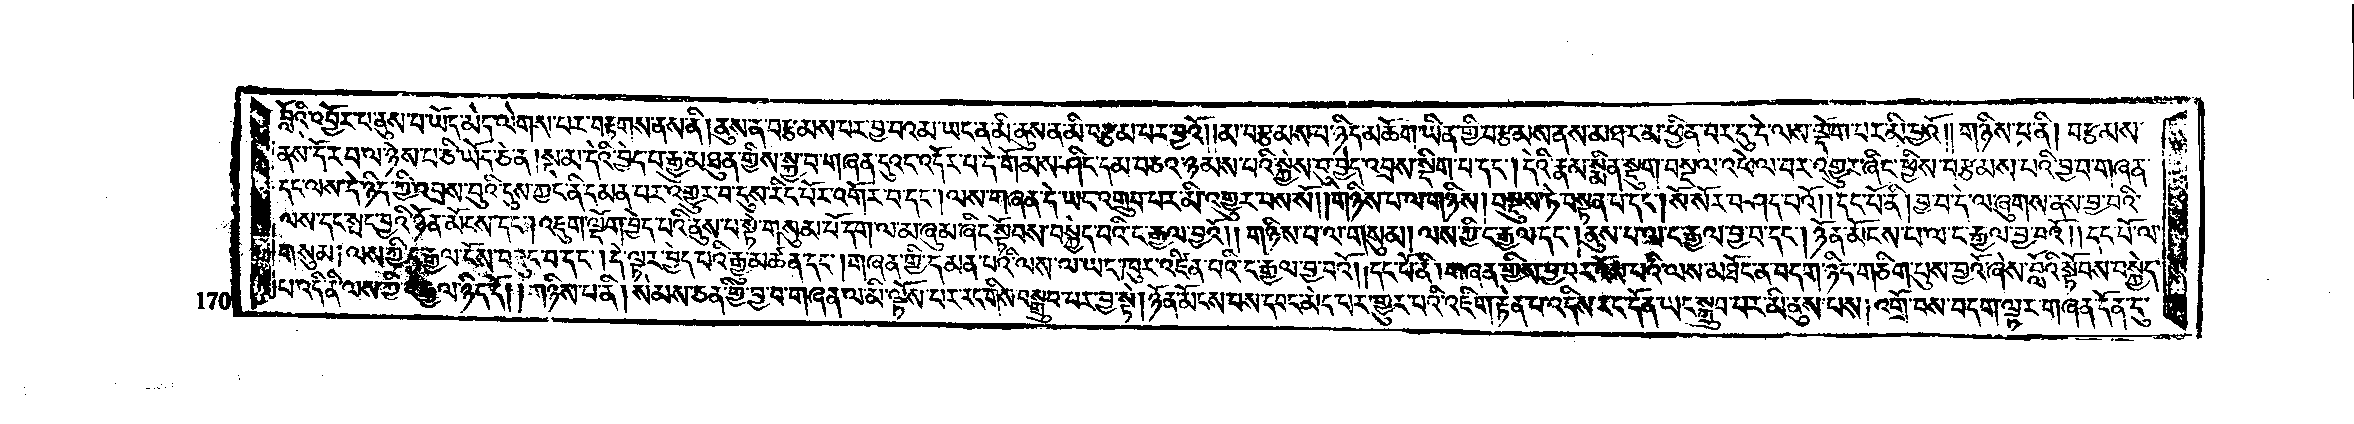བློའི་འབྱོར་བ་ནུས་པ་ཡོད་མེད་ལེགས་པར་བརྟགས་ནས་ནི། ནུས་ན་བརྩམས་པར་བྱ་བའམ་ཡང་ན་མི་ནུས་ན་མི་བརྩམ་པར་བྱའོ། །མ་བརྩམས་པ་ཉིད་མཆོག་ཡིན་གྱི་བརྩམས་ནས་མཐར་མ་ཕྱིན་པར་དུ་དེ་ལས་ལྡོག་པར་མི་བྱའོ། །གཉིས་པ་ནི། བརྩམས་
ནས་དོར་བ་ལ་ཉེས་པ་ཅེ་ན། སྔ་མ་དེའི་བྱེད་པ་རྒྱུ་མཐུན་གྱིས་སྐྱ་བ་གཞན་དུའང་འདོར་བ་དེ་གོམས་ཤིང་དམ་བཅའ་ཉམས་པའི་སྐྱེས་བུ་བྱེད་འབྲས་སྡིག་པ་དང་། དེའི་རྣམ་སྨིན་སྡུག་བསྔལ་འཕེལ་བར་འགྱུར་ཞིང་ཕྱིས་བརྩམས་པའི་བྱ་བ་གཞན་
དང་ལས་དེ་ཉིད་ཀྱི་འབྲས་བུའི་དུས་ཀྱང་ནི་དམན་པར་འགྱུར་བ་དུས་རིང་པོར་འགྲོ་བ་དང་། ལས་གཞན་དེ་ཡང་འགྲུབ་པར་མི་འགྱུར་བས་སོ། །གཉིས་པ་ལ་གཉིས། བསྡུས་ཏེ་བསྟན་པ་དང་། སོ་སོར་བཤད་པའོ། །དང་པོ་ནི། བྱ་བ་དེ་ལ་ཞུགས་ནས་བྱ་བའི་
ལས་དང་སྤང་བྱའི་ཉོན་མོངས་དང་། འཇུག་ལྡོག་བྱེད་པའི་ནུས་པ་སྟེ་གསུམ་པོ་དག་ལ་མ་ཞུམ་ཞིང་སྟོབས་བསྐྱེད་པའི་ང་རྒྱལ་བྱའོ། །གཉིས་པ་ལ་གསུམ། ལས་ཀྱི་ང་རྒྱལ་དང་། ནུས་པ་ལ་ང་རྒྱལ་བྱ་བ་དང་། ཉོན་མོངས་པ་ལ་ང་རྒྱལ་བྱ་བའོ། །དང་པོ་ལ་
གསུམ༑ ལས་ཀྱི་ང་རྒྱལ་ངོས་བཟུང་བ་དང་། དེ་ལྟར་བྱེད་པའི་རྒྱུ་མཚན་དང་། གཞན་གྱི་དམན་པའི་ལས་ལ་ཡང་ཁུར་འཛིན་པའི་ང་རྒྱལ་བྱ་བའོ། །དང་པོ་ནི། གཞན་གྱིས་བྱ་བར་འོས་པའི་ལས་མཐོང་ན་བདག་ཉིད་གཅིག་པུས་བྱའོ་ཞེས་བློའི་སྟོབས་བསྐྱེད་
པ་འདི་ནི་ལས་ཀྱི་ང་རྒྱལ་ཉིད་དོ། །གཉིས་པ་ནི། སེམས་ཅན་གྱི་བྱ་བ་གཞན་ལ་མི་ལྟོས་པར་རང་གིས་བསྒྲུབ་པར་བྱ་སྟེ། ཉོན་མོངས་པས་དབང་མེད་པར་གྱུར་པའི་འཇིག་རྟེན་པ་འདིས་རང་དོན་ཡང་སྒྲུབ་པར་མི་ནུས་པས། འགྲོ་བས་བདག་ལྟར་གཞན་དོན་དུ་